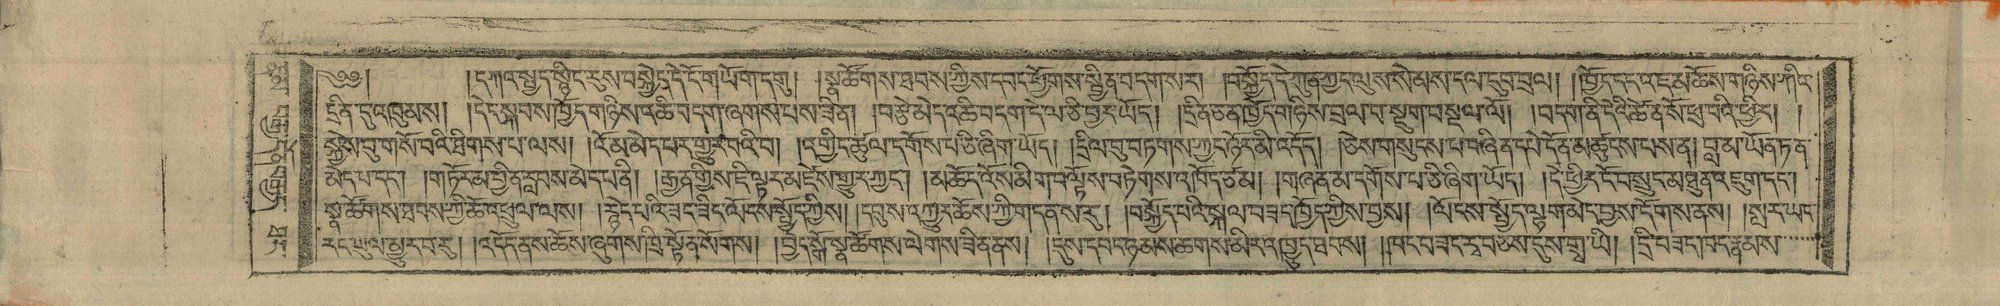༄༅། །དཀའ་སྤྱད་སྙིང་རུས་བསྐྱེད་དེ་ངོ་གཡོག་དགུ། །སྣ་ཚོགས་ཐབས་ཀྱིས་དབང་ཕྱོགས་སྦྱིན་བདག་སར། །བསྐྱོད་དེ་ཀུན་ཀྱང་ལུས་སེམས་ངལ་དུབ་བྲལ། །ཁྱོད་དང་འཇམ་ཆོས་གཉིས་ཀའི་
དྲིན་དུ་འཁུམས། །དེང་སྐབས་ཁྱོད་གཉིས་འཆི་བདག་ཞགས་པས་ཟིན། །བརྩེ་མེད་འཆི་བདག་དེ་ལ་ཅི་བྱར་ཡོད། །དྲིན་ཅན་ཁྱོད་གཉིས་བྲལ་བ་སྡུག་བསྔལ་ལོ། །བདག་ནི་དེའི་ཚེ་ན་སོ་ཕྲ་བའི་ཕྱིར། །
སྐྱེས་བུ་གསོ་བའི་ཐིགས་པ་ལས། །འོ་མ་མེད་པར་གྱུར་བའི་བ། །འགྱིང་ཚུལ་དགོས་པ་ཅི་ཞིག་ཡོད། །དྲིལ་བུ་བཏགས་ཀྱང་ཉོར་མི་འདོད། །ཅེས་གསུངས་པ་བཞིན་དཔེ་དོན་མཚུངས་པས་ན། བླ་མ་ཡོན་ཏན་
མེད་པ་དང་། །གཏོར་མ་བྱིན་རླབས་མེད་པ་ནི། །རྒྱན་གྱིས་ཇི་ལྟར་མཛེས་གྱུར་ཀྱང་། །མཆོད་འོས་མིག་བལྟོས་བཏེགས་འཁོད་ཙམ། །གཞན་མ་དགོས་པ་ཅི་ཞིག་ཡོད། །དེ་ཕྱིར་ངོ་བསྲུང་མཐུན་འཇུག་དང་།
སྣ་ཚོགས་ཐབས་ཀྱི་ཆོ་འཕྲུལ་ལས། །རྙེད་པའི་ཟང་ཟིང་ལོངས་སྤྱོད་ཀྱིས། །དབུས་འྐྱུར་ཆོས་ཀྱི་གདན་ས་རུ། །བསྐྱོད་པའི་སྐལ་བཟང་ཁྱོད་ཀྱིས་བྱས། །ལོངས་སྤྱོད་ལྷག་མེད་བྱས་དོགས་ནས། །སླར་ཡང་
རང་ཡུལ་མྱུར་བ་རུ། །འདོད་ནས་ཆོས་ཞུགས་ཁྲི་སྟོན་སོགས། །བྱེད་སྒོ་སྣ་ཚོགས་ལེགས་ཟིན་ནས། །དུས་དབང་ཉམས་ཆགས་མིར་འཁྱུད་ཐབས། །ཁང་བཟང་རྭ་བཅས་དུས་གྲྭ་ཡི། །དྲི་བཟང་ཁང་རྣམས་